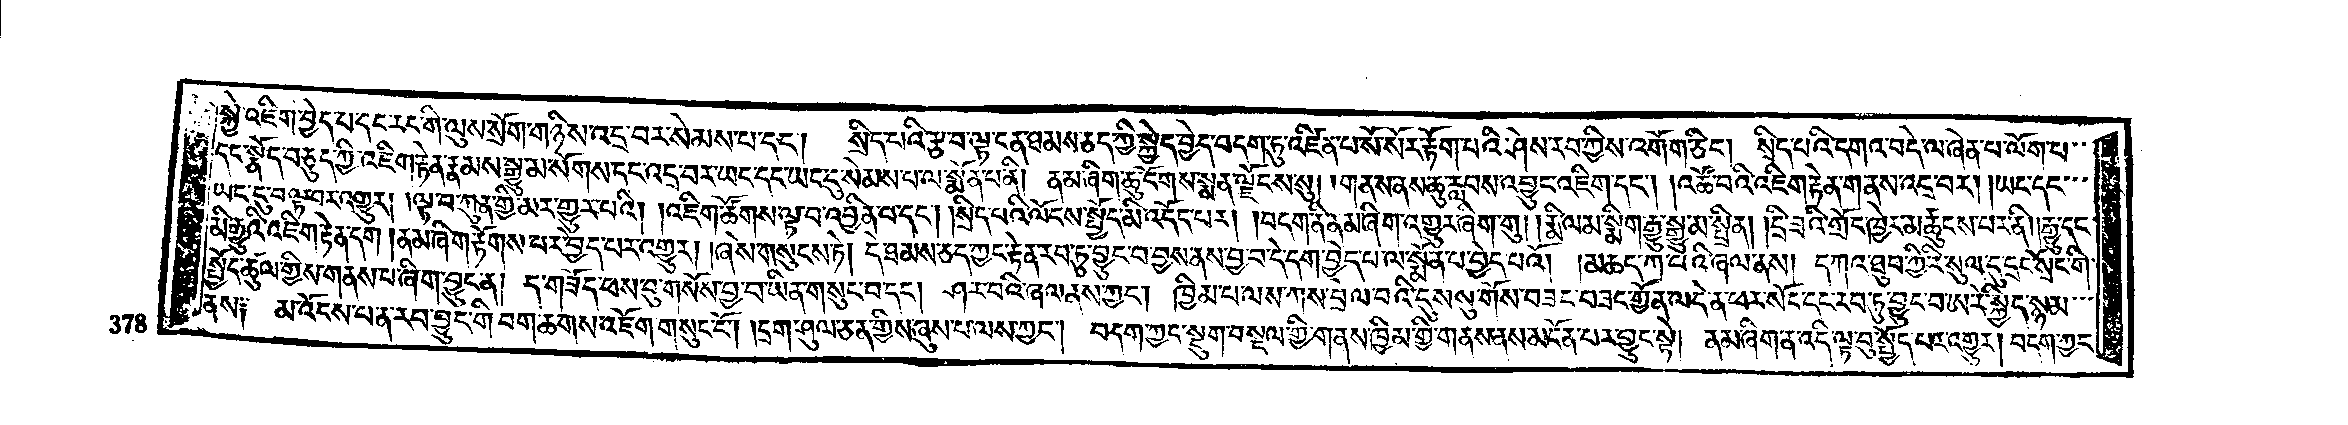སྐྱེ་འཇིག་བྱེད་པ་དང་རང་གི་ལུས་སྲོག་གཉིས་འདྲ་བར་སེམས་པ་དང་། སྲིད་པའི་རྩ་བ་ལྟ་ངན་ཐམས་ཅད་ཀྱི་སྐྱེད་བྱེད་བདག་ཏུ་འཛིན་པ་སོ་སོར་རྟོགས་པའི་ཤེས་རབ་ཀྱིས་འགོག་ཅིང་། སྲིད་པའི་དགའ་བདེ་ལ་ཞེན་པ་ལོག་པ་
དང་སྣོད་བཅུད་ཀྱི་འཇིག་རྟེན་རྣམས་སྒྱུ་མ་སོགས་དང་འདྲ་བར་ཡང་དང་ཡང་དུ་སེམས་པ་ལ་སྨོན་པ་ནི། ནམ་ཞིག་ཆུ་ངོགས་སྨན་ལྗོངས་སུ། །གནས་ནས་ཆུ་རླབས་འབྱུང་འཇིག་དང་། །འཚོ་བའི་འཇིག་རྟེན་གནས་འདྲ་བར། །ཡང་དང་
ཡང་དུ་བལྟ་བར་འགྱུར། །ལྟ་བ་ཀུན་གྱི་མར་གྱུར་པའི། །འཇིག་ཚོགས་ལྟ་བ་འབྱིན་པ་དང་། །སྲིད་པའི་ལོངས་སྤྱོད་མི་འདོད་པར། །བདག་ནི་ནམ་ཞིག་འགྱུར་ཞིག་གུ། །རྨི་ལམ་སྨིག་རྒྱུ་སྒྱུ་མ་སྤྲིན། །དྲི་ཟའི་གྲོང་ཁྱེར་མཚུངས་པར་ནི། །རྒྱུ་དང་
མི་རྒྱུའི་འཇིག་རྟེན་དག །ནམ་ཞིག་རྟོགས་པར་བྱེད་པར་འགྱུར། །ཞེས་གསུངས་ཏེ། དེ་ཐམས་ཅད་ཀྱང་རྟེན་རབ་ཏུ་བྱུང་བ་བྱས་ནས་བྱ་བ་དེ་དག་བྱེད་པ་ལ་སྨོན་པ་བྱེད་པའོ། །མཆད་ཀ་བའི་ཞལ་ནས། དཀའ་ཐུབ་ཀྱི་རི་སུལ་དུ་དྲང་སྲོང་གི་
སྤྱོད་ཚུལ་གྱིས་གནས་པ་ཞིག་བྱུང་ན། ད་གཟོད་ཕས་བུ་གསོས་བྱ་བ་ཡིན་གསུང་བ་དང་། ཤར་བའི་ཞལ་ནས་ཀྱང་། ཁྱིམ་པ་ལས་ཀས་བྲེལ་བའི་དུས་སུ་གོས་བཟང་བཟང་གྱོན་ལ་དེ་ན་ཕར་སོང་དང་རབ་ཏུ་བྱུང་བ་ཨ་རེ་སྐྱིད་སྙམ་
ནས༑ མ་འོངས་པ་ན་རབ་བྱུང་གི་བག་ཆགས་འཇོག་གསུང་ངོ། །དྲག་ཤུལ་ཅན་གྱིས་ཞུས་པ་ལས་ཀྱང་། བདག་ཀྱང་སྡུག་བསྔལ་གྱི་གནས་ཁྱིམ་གྱི་གནས་ནས་མངོན་པར་བྱུང་སྟེ། ནམ་ཞིག་ན་འདི་ལྟ་བུ་སྤྱོད་པར་འགྱུར། བདག་ཀྱང་